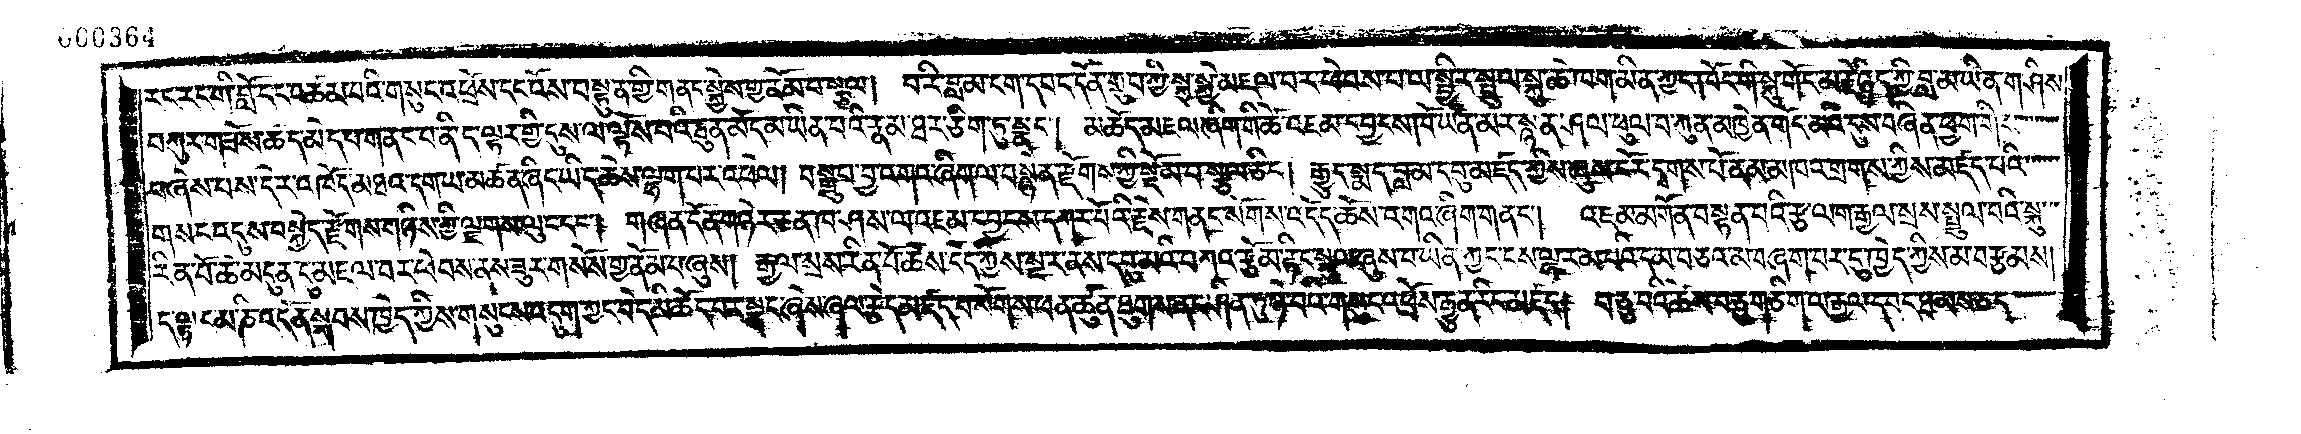རང་རང་གི་བློ་དང་འཚམ་པའི་གསུང་འཕྲོས་དང་འོས་བསྟུན་གྱི་གནང་སྐྱེས་གྱ་ནོམ་པ་སྩལ། པ་རི་བླ་མ་ངག་དབང་དོན་གྲུབ་ཀྱི་སྐུ་སྐྱེ་མཇལ་བར་ཕེབས་པ་ལ་སྤྱིར་སྤྲུལ་སྐུ་ཚེ་ཁག་མིན་ཀྱང་ཁོང་གི་སྐུ་གོང་མ་རྗེ་ཉིད་ཀྱི་བླ་མ་ཡིན་གཤིས་
བཀུར་གཟོས་ཚད་མེད་པ་གནང་བ་ནི་ད་ལྟར་གྱི་དུས་ལ་ལྟོས་པའི་ཐུན་མོང་མ་ཡིན་པའི་རྣམ་ཐར་ཅིག་ཏུ་སྣང་། མཆོད་མཇལ་ཞིག་གི་ཚེ་འཇམ་དབྱངས་ཁོ་ཡོན་མར་སྙན་ཤལ་ཕུལ་བ་ཀུན་མཁྱེན་གོང་མའི་དུས་བཞིན་ཕྱག་གིས་
བཞེས་པས་དེར་འཁོད་མཐའ་དག་ཡ་མཚན་ཞིང་ཡིད་ཆེས་ལྷག་པར་འཕེལ། བསྒྲུབ་བྱ་འགའ་ཞིག་ལ་བསྙེན་རྫོགས་ཀྱི་སྡོམ་པ་སྩལ་ཅིང་། རྒྱུད་སྨད་བླ་མ་དབུ་མཛད་ཀྱིས་ཞུས་ངོར་དྭགས་པོ་ནམ་མཁའ་གྲགས་ཀྱིས་མཛད་པའི་
གསང་འདུས་བསྐྱེད་རྫོགས་གཉིས་ཀྱི་ལྗགས་ལུང་དང་། གཞན་དོན་གཉེར་ཅན་ཁ་ཤས་ལ་འཇམ་དབྱངས་དཀར་པོའི་རྗེས་གནང་སོགས་འདོད་ཆོས་འགའ་ཞིག་གནང་། འཇམ་མགོན་བསྟན་པའི་རྩ་ལག་རྒྱལ་སྲས་སྤྲུལ་པའི་སྐུ་
རིན་པོ་ཆེ་མདུན་དུ་མཇལ་བར་ཕེབས་ནས་ཟུར་གསོས་གྱ་ནོམ་པ་ཞུས། རྒྱལ་སྲས་རིན་པོ་ཆེས་ངེད་ཀྱིས་སྔར་ནས་དབུ་མའི་བཀའ་རྩོམ་རྟིང་སྐུལ་ཞུས་པ་ཡིན་ཀྱང་ངས་ལྷ་རམ་པའི་དམ་བཅའ་མ་བཞག་པར་དུ་ཁྱེད་ཀྱིས་མ་བརྩམས།
ད་ལྟ་ང་མ་ཎི་འདོན་སྐབས་ཁྱེད་ཀྱིས་གསུངས་འདུག་ཀྱང་བདེ་མི་ཆོད་པར་སྣང་ཞེས་ཞལ་རྩེད་མཛད་པ་སོགས་ཕན་ཚུན་ཐུགས་ནང་ཤིན་ཏུ་ཉེ་བའི་གསུང་འཕྲོས་རྒྱུན་རིང་མཛད། བཅུ་པའི་ཚེས་བཅུ་གཅིག་ལ་རྒྱལ་དབང་ཐམས་ཅད་